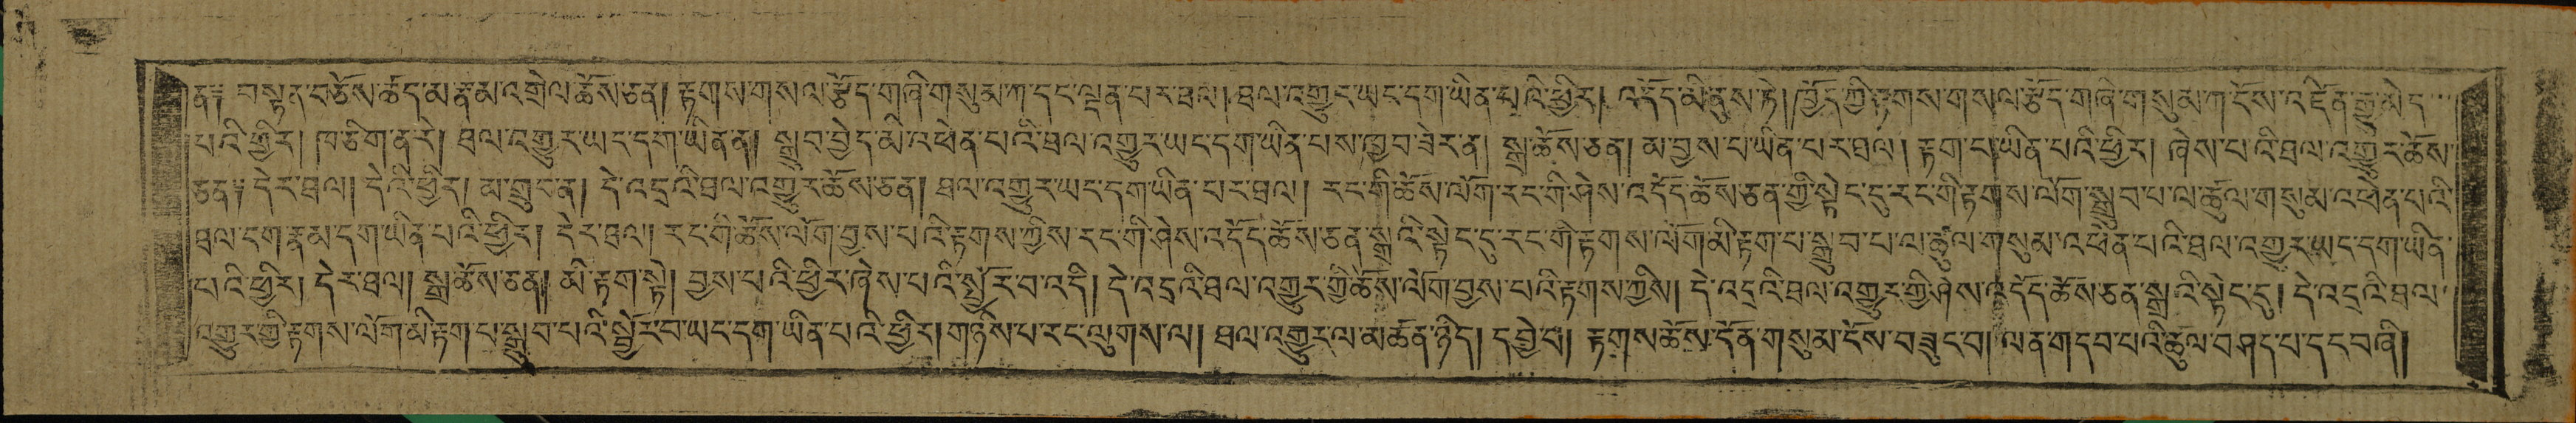ན༑ བསྟན་བཅོས་ཚད་མ་རྣམ་འགྲེལ་ཆོས་ཅན། རྟགས་གསལ་རྩོད་གཞི་གསུམ་ཀ་དང་ལྡན་པར་ཐལ། ཐལ་འགྱུར་ཡང་དག་ཡིན་པའི་ཕྱིར། འདོད་མི་ནུས་ཏེ། ཁྱོད་ཀྱི་རྟགས་གསལ་རྩོད་གཞི་གསུམ་ཀ་ངོས་འཛིན་རྒྱུ་མེད་
པའི་ཕྱིར། ཁ་ཅིག་ན་རེ། ཐལ་འགྱུར་ཡང་དག་ཡིན་ན། སྒྲུབ་བྱེད་མི་འཕེན་པའི་ཐལ་འགྱུར་ཡང་དག་ཡིན་པས་ཁྱབ་ཟེར་ན། སྒྲ་ཆོས་ཅན། མ་བྱས་པ་ཡིན་པར་ཐལ། རྟག་པ་ཡིན་པའི་ཕྱིར། ཞེས་པའི་ཐལ་འགྱུར་ཆོས་
ཅན༑ དེར་ཐལ། དེའི་ཕྱིར། མ་གྲུབ་ན། དེ་འདྲའི་ཐལ་འགྱུར་ཆོས་ཅན། ཐལ་འགྱུར་ཡང་དག་ཡིན་པར་ཐལ། རང་གི་ཆོས་ལོག་རང་གི་ཤེས་འདོད་ཆོས་ཅན་གྱི་སྟེང་དུ་རང་གི་རྟགས་ལོག་སྒྲུབ་པ་ལ་ཚུལ་གསུམ་འཕེན་པའི་
ཐལ་ངག་རྣམ་དག་ཡིན་པའི་ཕྱིར། དེར་ཐལ། རང་གི་ཆོས་ལོག་བྱས་པའི་རྟགས་ཀྱིས་རང་གི་ཤེས་འདོད་ཆོས་ཅན་སྒྲའི་སྟེང་དུ་རང་གི་རྟགས་ལོག་མི་རྟག་པ་སྒྲུབ་པ་ལ་ཚུལ་གསུམ་འཕེན་པའི་ཐལ་འགྱུར་ཡང་དག་ཡིན་
པའི་ཕྱིར། དེར་ཐལ། སྒྲ་ཆོས་ཅན། མི་རྟག་སྟེ། བྱས་པའི་ཕྱིར་ཞེས་པའི་སྦྱོར་བ་འདི། དེ་འདྲའི་ཐལ་འགྱུར་གྱི་ཆོས་ལོག་བྱས་པའི་རྟགས་ཀྱིས། དེ་འདྲའི་ཐལ་འགྱུར་གྱི་ཤེས་འདོད་ཆོས་ཅན་སྒྲའི་སྟེང་དུ། དེ་འདྲའི་ཐལ་
འགྱུར་གྱི་རྟགས་ལོག་མི་རྟག་པ་སྒྲུབ་པའི་སྦྱོར་བ་ཡང་དག་ཡིན་པའི་ཕྱིར། གཉིས་པ་རང་ལུགས་ལ། ཐལ་འགྱུར་ལ་མཚན་ཉིད། དབྱེ་བ། རྟགས་ཆོས་དོན་གསུམ་ངོས་བཟུང་བ། ལན་གདབ་པའི་ཚུལ་བཤད་པ་དང་བཞི།